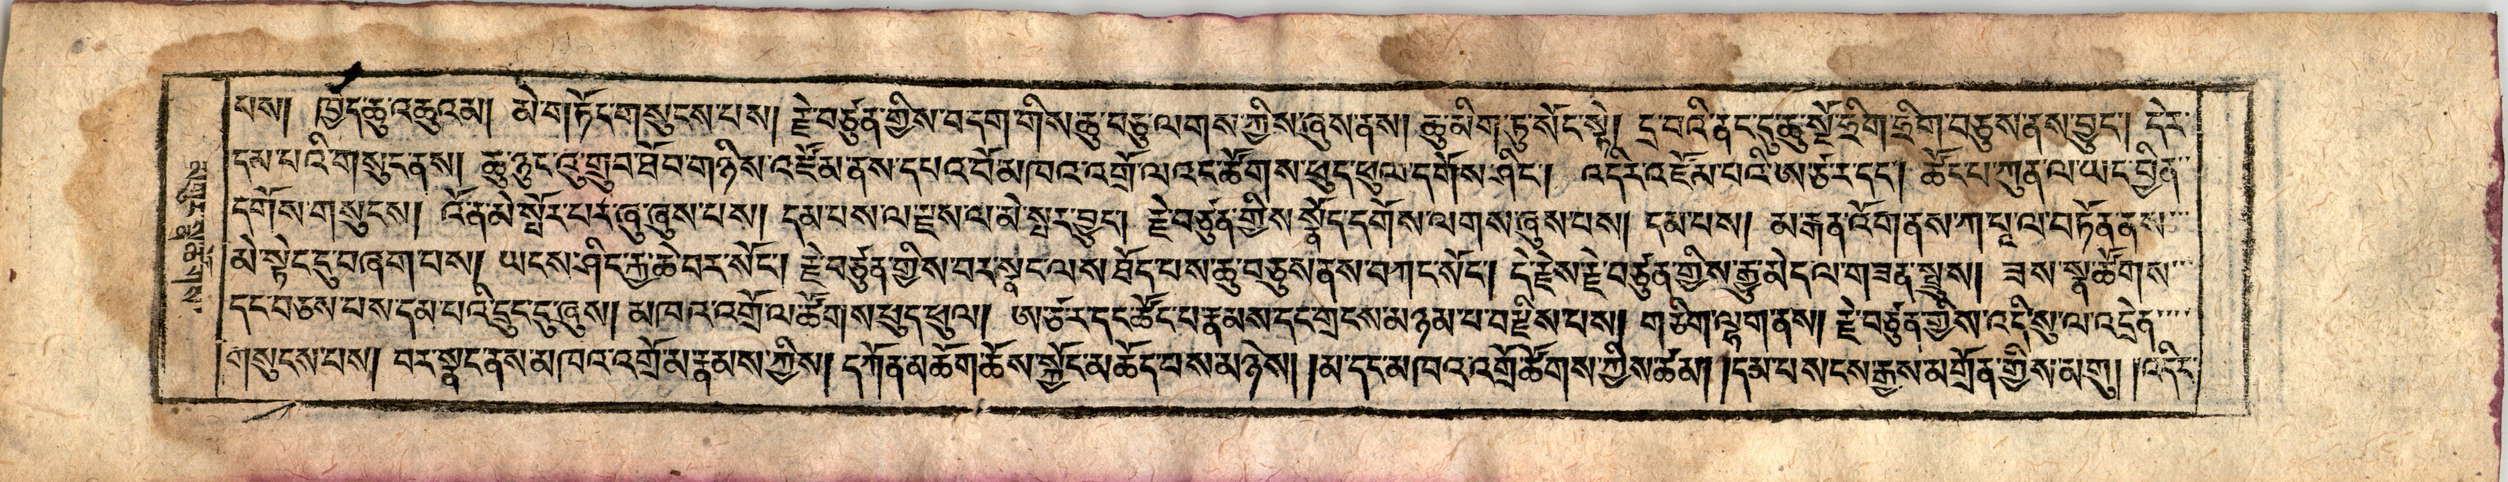པས། ཁྱེད་ཆུ་འཆུའམ། མེ་གཏོང་གསུངས་པས། རྗེ་བཙུན་གྱིས་བདག་གིས་ཆུ་བཅུ་ལགས་ཀྱིས་ཞུས་ནས། ཆུ་མིག་ཏུ་སོང་སྟེ། དྲ་བའི་ནང་དུ་ཆུ་སྔོ་ཧྲིག་ཧྲིག་བཅུས་ནས་བྱུང་། དེར་
དམ་པའི་གསུང་ནས། ཆུ་ཉུང་འུ་གྲུབ་ཐོབ་གཉིས་འཛོམས་ནས་དཔའ་བོ་མཁའ་འགྲོ་ལའང་ཚོགས་ཕུད་ཕུལ་དགོས་ཤིང་། འདིར་འཛོམས་པའི་ཨ་ཙ་ར་དང་། ཚོང་པ་ཀུན་ལ་ཡང་བྱིན་
དགོས་གསུངས། འོ་ན་མེ་སྤོར་པར་ཞུ་ཞུས་པས། དམ་པས་ལ་རྫས་ལ་མེ་སྤར་བྱུང་། རྗེ་བཙུན་གྱིས་སྣོད་དགོས་ལགས་ཞུས་པས། དམ་པས། མ་རྒན་འོག་ནས་ཀ་པཱ་ལ་བཏོན་ནས་
མེ་སྟེང་དུ་བཞག་པས། ཡངས་ཤིང་རྒྱ་ཆེ་བར་སོང་། རྗེ་བཙུན་གྱིས་བར་སྣང་ལས་ཐོད་པས་ཆུ་བཅུས་ནས་བཀང་སོང་། དེ་རྗེས་རྗེ་བཙུན་གྱིས་རྒྱུ་མེད་ལ་གཟན་སྦྲུས། ཟས་སྣ་ཚོགས་
དང་བཅས་པས་དམ་པའི་དྲུང་དུ་ཞུས། མཁའ་འགྲོ་ལ་ཚོགས་ཕུད་ཕུལ། ཨ་ཙ་ར་དང་ཚོང་པ་རྣམས་དང་གྲངས་མཉམ་པ་བརྫིས་པས། གཅིག་ལྷག་ནས། རྗེ་བཙུན་གྱིས་འདི་སུ་ལ་འདྲེན་
གསུངས་པས། བར་སྣང་ནས་མཁའ་འགྲོ་མ་རྣམས་ཀྱིས། དཀོན་མཆོག་ཆོས་སྐྱོང་མཆོད་པས་མཉེས། །མ་དང་མཁའ་འགྲོ་ཚོགས་ཀྱིས་ཚིམ། །དམ་པ་སངས་རྒྱས་མགྲོན་གྱིས་མགུ། །འདིར་